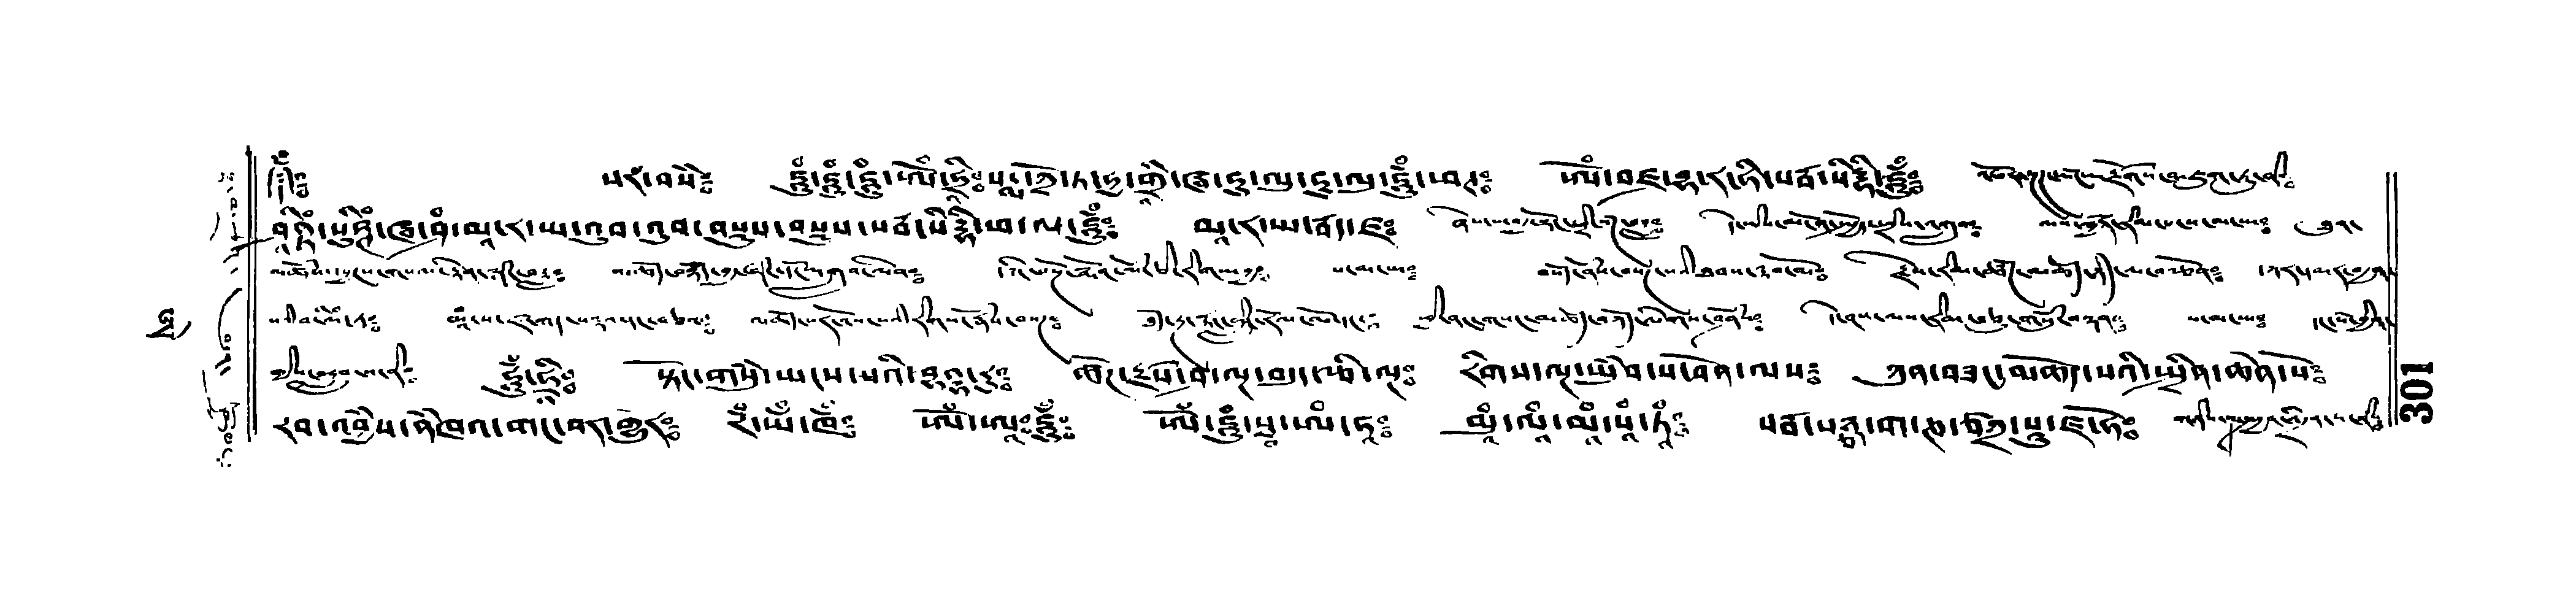པར་བསམ༔ ཧཱུཾ་ཧཱུཾ་ཧཱུཾ་ཨོཾ་ཧྲཱིཿཔདྨ་ཀྲོ་ཏ་ཧྱ་གྲཱི་ཝ་ཧུ་ལུ་ཧུ་ལུ་ཧཱུྃ་ཕཊཿ ཨོཾ་བཛྲ་བྷ་ར་ཧི་སརྦ་སིདྡྷི་ཧཱུྃ༔ འཁོར་སྔགས་ཡོངས་རྫོགས་མཇུག་ཏུ་ནི༔ 
ཤཱནྟིཾ་པུཥྚིཾ་ཝ་ཤཾ་མཱ་ར་ཡ་འུབ་འུབ་བསྡུས་བསྡུས་སརྦ་སིདྡྷི་ཕ་ལ་ཧཱུྃ༔ མཱ་ར་ཡ་རྦད་ཛ༔ ཞེས་པ་བརྒྱ་སྟོང་ཁྲི་སོགས་བཟླ༔ དེ་ཡིས་མངོན་སྤྱོད་ཕྲིན་ལས་འགྲུབ༔ ལས་སྦྱོར་རིམ་པ་ས་མ་ཡ༔ ཐུན་
མཚམས་དབྱངས་གསལ་རྟེན་སྙིང་བཟླ༔ མཆོད་བསྟོད་བྱ་ཞིང་དངོས་གྲུབ་ལེན༔ དགེ་བསྔོ་སྨོན་ལམ་ཅི་རིགས་བྱ༔ ས་མ་ཡ༔ བསོད་ནམས་བསགས་པའི་ཐབས་ཟབ་མོ༔ རྗེས་རིམ་ཚོགས་མཆོད་ཉིད་ལ་བརྩོན༔ དཀར་དམར་བརྒྱན་
པའི་བ་ལིཾ་ཏ༔ མཱཾ་ས་ཛ་གད་བཟའ་དང་བཅས༔ མཆོད་པར་འོས་པའི་རིགས་རྣམས་བསགས༔ ཐོད་རྔ་རྐང་གླིང་རོལ་མོ་དང༔ ཕྱི་ནང་གསང་མཆོད་བཀོད་ལེགས་བཤམས༔ དེ་ནས་ལས་རིམ་བཅུ་གསུམ་བསྟན༔ ས་མ་ཡ༔ དང་པོ་བྱིན་
གྱིས་བརླབ་པ་ནི༔ ཧཱུྃ་ཧྲཱིཿ སྟོང་གསུམ་ཡངས་པའི་བྷནྡྷ་རུ༔ ཚོགས་རྫས་ཤ་ལྔ་བདུད་རྩི་ལྔ༔ རིགས་ལྔ་ཡབ་ཡུམ་ས་བོན་ལས༔ ཀུན་བཟང་མཆོད་པའི་སྤྲིན་ཆེན་པོ༔ 
རབ་འབྱམས་ནམ་མཁའ་གང་བར་གྱུར༔ རྃ་ཡྃ་ཁྃ༔ ཨོཾ་ཨཱཿཧཱུྃ༔ ཨོཾ་ཧཱུྃ་སྭཱ་ཨཾ་ཧཱཿ མཱུཾ་ལཱཾ་མཱཾ་པཱཾ་ཏཱཾ༔ སརྦ་པཉྩ་ག་ཎ་ཙཀྲ་པཱུ་ཛ་ཧོཿ གཉིས་པ་སྤྱན་འདྲེན་པ་ནི༔